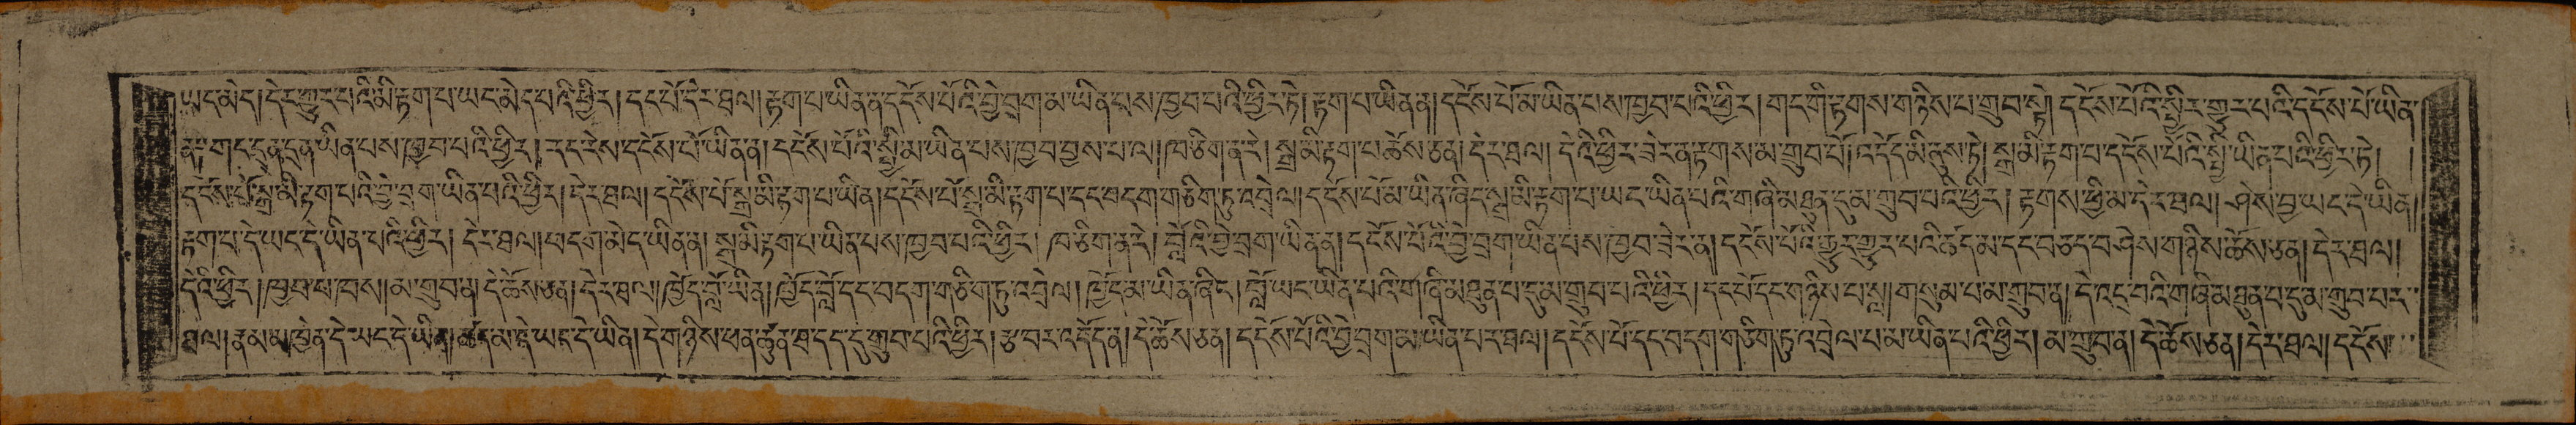ཡང་མེད། དེར་གྱུར་བའི་མི་རྟག་པ་ཡང་མེད་པའི་ཕྱིར། དང་པོ་དེར་ཐལ། རྟག་པ་ཡིན་ན་དངོས་པོའི་བྱེ་བྲག་མ་ཡིན་པས་ཁྱབ་པའི་ཕྱིར་ཏེ། རྟག་པ་ཡིན་ན། དངོས་པོ་མ་ཡིན་པས་ཁྱབ་པའི་ཕྱིར། གང་གི་རྟགས་གཉིས་པ་གྲུབ་སྟེ། དངོས་པོའི་སྤྱིར་གྱུར་པའི་དངོས་པོ་ཡིན་
ན༑ གང་དྲན་དྲན་ཡིན་པས་ཁྱབ་པའི་ཕྱིར། རང་རེས་དངོས་པོ་ཡིན་ན། དངོས་པོའི་སྤྱི་མ་ཡིན་པས་ཁྱབ་བྱས་པ་ལ། ཁ་ཅིག་ན་རེ། སྒྲ་མི་རྟག་པ་ཆོས་ཅན། དེར་ཐལ། དེའི་ཕྱིར་ཟེར་ན་རྟགས་མ་གྲུབ་པོ། འདོད་མི་ནུས་ཏེ། སྒྲ་མི་རྟག་པ་དངོས་པོའི་སྤྱི་ཡིན་པའི་ཕྱིར་ཏེ། །
དངོས་པོ་སྒྲ་མི་རྟག་པའི་བྱེ་བྲག་ཡིན་པའི་ཕྱིར། དེར་ཐལ། དངོས་པོ་སྒྲ་མི་རྟག་པ་ཡིན། དངོས་པོ་སྒྲ་མི་རྟག་པ་དང་བདག་གཅིག་ཏུ་འབྲེལ། དངོས་པོ་མ་ཡིན་ཞིང་སྒྲ་མི་རྟག་པ་ཡང་ཡིན་པའི་གཞི་མཐུན་དུ་མ་གྲུབ་པའི་ཕྱིར། རྟགས་ཕྱི་མ་དེར་ཐལ། ཤེས་བྱ་ཡང་དེ་ཡིན།
རྟག་པ་དེ་ཡང་དེ་ཡིན་པའི་ཕྱིར། དེར་ཐལ། བདག་མེད་ཡིན་ན། སྒྲ་མི་རྟག་པ་ཡིན་པས་ཁྱབ་པའི་ཕྱིར། ཁ་ཅིག་ན་རེ། བློའི་བྱེ་བྲག་ཡིན་ན། དངོས་པོའི་བྱེ་བྲག་ཡིན་པས་ཁྱབ་ཟེར་ན། དངོས་པོའི་རྒྱུར་གྱུར་པའི་ཚད་མ་དང་བཅད་བཤེས་གཉིས་ཆོས་ཅན། དེར་ཐལ།
དེའི་ཕྱིར། ཁྱབ་པ་ཁས། མ་གྲུབ་ན། དེ་ཆོས་ཅན། དེར་ཐལ། ཁྱོད་བློ་ཡིན། ཁྱོད་བློ་དང་བདག་གཅིག་ཏུ་འབྲེལ་ཁྱོད་མ་ཡིན་ཞིང་། བློ་ཡང་ཡིན་པའི་གཞི་མཐུན་པ་དུ་མ་གྲུབ་པའི་ཕྱིར། དང་པོ་དང་གཉིས་པ་སླ། གསུམ་པ་མ་གྲུབ་ན། དེ་འདྲ་བའི་གཞི་མཐུན་པ་དུ་མ་གྲུབ་པར་
ཐལ༑ རྣམ་མཁྱེན་དེ་ཡང་དེ་ཡིན། ཚད་མ་དེ་ཡང་དེ་ཡིན། དེ་གཉིས་ཕན་ཚུན་ཐ་དད་དུ་གྲུབ་པའི་ཕྱིར། རྩ་བར་འདོད་ན། དེ་ཆོས་ཅན། དངོས་པོའི་བྱེ་བྲག་མ་ཡིན་པར་ཐལ། དངོས་པོ་དང་བདག་གཅིག་ཏུ་འབྲེལ་པ་མ་ཡིན་པའི་ཕྱིར། མ་གྲུབ་ན། དེ་ཆོས་ཅན། དེར་ཐལ། དངོས་